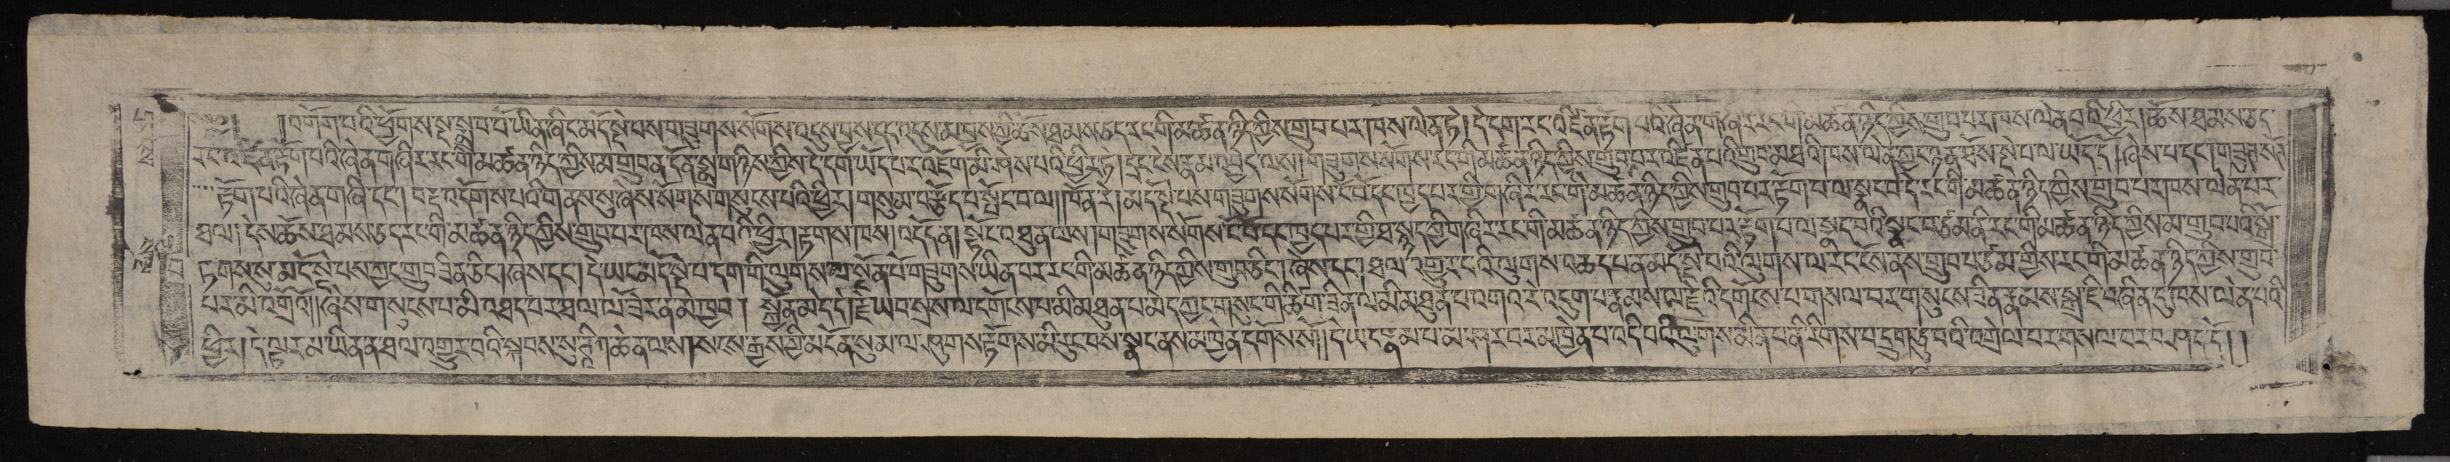༄༅། །འགོག་པའི་ཕྱོགས་སྔ་སྨྲ་བ་པོ་ཡིན་ཞིང་མདོ་སྡེ་པས་གཟུགས་སོགས་འདུས་བྱས་དང་འདུས་མ་བྱས་ཀྱི་ཆོས་ཐམས་ཅད་རང་གི་མཚན་ཉིད་ཀྱིས་གྲུབ་པར་ཁས་ལེན་ཏེ། དེ་དག་རང་འཛིན་རྟོག་པའི་ཞེན་གཞིར་རང་གི་མཚན་ཉིད་ཀྱིས་གྲུབ་པར་ཁས་ལེན་པའི་ཕྱིར། ཆོས་ཐམས་ཅད་
རང་འཛིན་རྟོག་པའི་ཞེན་གཞིར་རང་གི་མཚན་ཉིད་ཀྱིས་མ་གྲུབ་ན་དོན་སྨྲ་གཉིས་ཀྱིས་དེ་དག་ཡོད་པར་འཇོག་མི་ཤེས་པའི་ཕྱིར་ཏེ། དྲང་ངེས་རྣམ་འབྱེད་ལས། གཟུགས་སོགས་རང་གི་མཚན་ཉིད་ཀྱིས་གྲུབ་པར་འཛིན་པའི་གྲུབ་མཐའི་ཁས་ལེན་ཀྱང་ཉན་ཐོས་སྡེ་པ་ལ་ཡོད་དོ། །ཞེས་པ་དང་། གཟུགས་སོགས་
རྟོག་པའི་ཞེན་གཞི་དང་། བརྡ་འདོགས་པའི་གནས་སུ་ཞེས་སོགས་གསུངས་པའི་ཕྱིར། གསུམ་པ་རྩོད་པ་སྤོང་པ་ལ། ཁོ་ན་རེ། མདོ་སྡེ་པས་གཟུགས་སོགས་ངོ་བོ་དང་ཁྱད་པར་གྱི་གཞིར་རང་གི་མཚན་ཉིད་ཀྱིས་གྲུབ་པར་རྟོག་པ་ལ་སྣང་བ་དེ་རང་གི་མཚན་ཉིད་ཀྱིས་གྲུབ་པར་ཁས་ལེན་པར་
ཐལ། དེས་ཆོས་ཐམས་ཅད་རང་གི་མཚན་ཉིད་ཀྱིས་གྲུབ་པར་ཁས་ལེན་པའི་ཕྱིར། རྟགས་ཁས། འདོད་ན། སྟོང་འཐུན་ལས། གཟུགས་སོགས་ངོ་བོ་དང་ཁྱད་པར་གྱི་ཐ་སྙད་ཀྱི་གཞིར་རང་གི་མཚན་ཉིད་ཀྱིས་གྲུབ་པར་རྟོག་པ་ལ་སྣང་བའི་སྣང་བ་ཙམ་ནི་རང་གི་མཚན་ཉིད་ཀྱིས་མ་གྲུབ་པའི་སྒྲོ་
བཏགས་སུ་མདོ་སྡེ་པས་ཀྱང་གྲུབ་ཟིན་ཅིང་། ཞེས་དང་། དེ་ཡང་མདོ་སྡེ་པ་དག་གི་ལུགས་ལ་སྔོན་པོ་གཟུགས་ཡིན་པར་རང་གི་མཚན་ཉིད་ཀྱིས་གྲུབ་ཅིང་། ཞེས་དང་། ཐལ་འགྱུར་བའི་ལུགས་འཆད་པ་ན་མདོ་སྡེ་པའི་ལུགས་ལ་རང་ངོས་ནས་གྲུབ་པ་ཙམ་གྱིས་རང་གི་མཚན་ཉིད་ཀྱིས་གྲུབ་
པར་མི་འགྲོའོ། །ཞེས་གསུངས་པ་མི་འཐད་པར་ཐལ་ལོ་ཟེར་ན་མ་ཁྱབ། སྐྱོན་མེད་དེ། རྗེ་ཡབ་སྲས་ལ་དགོངས་པ་མི་མཐུན་པ་མེད་ཀྱང་གསུང་གི་ཚིག་ཟིན་ལ་མི་མཐུན་པ་འགའ་རེ་འདུག་པ་རྣམས་ལ་རྗེའི་དགོངས་པ་གསལ་བར་གསུངས་ཟིན་རྣམས་སྒྲ་ཇི་བཞིན་དུ་ཁས་ལེན་པའི་
ཕྱིར། དེ་ལྟར་མ་ཡིན་ན་ཐལ་འགྱུར་བའི་སྐབས་སུ་ཊཱིཀ་ཆེན་ལས། སངས་རྒྱས་ཀྱི་མངོན་སུམ་ལ་ཤུགས་རྟོགས་མི་རུང་བས་སྣང་ནས་མཁྱེན་དགོས་སོ། །དེ་ཡང་རྣམ་པ་མ་ཤར་བར་མཁྱེན་པ་འདི་པའི་ལུགས་མིན་པ་ནི་རིགས་པ་དྲུག་ཅུ་བའི་འགྲེལ་པར་གསལ་བར་བཤད་དོ།།